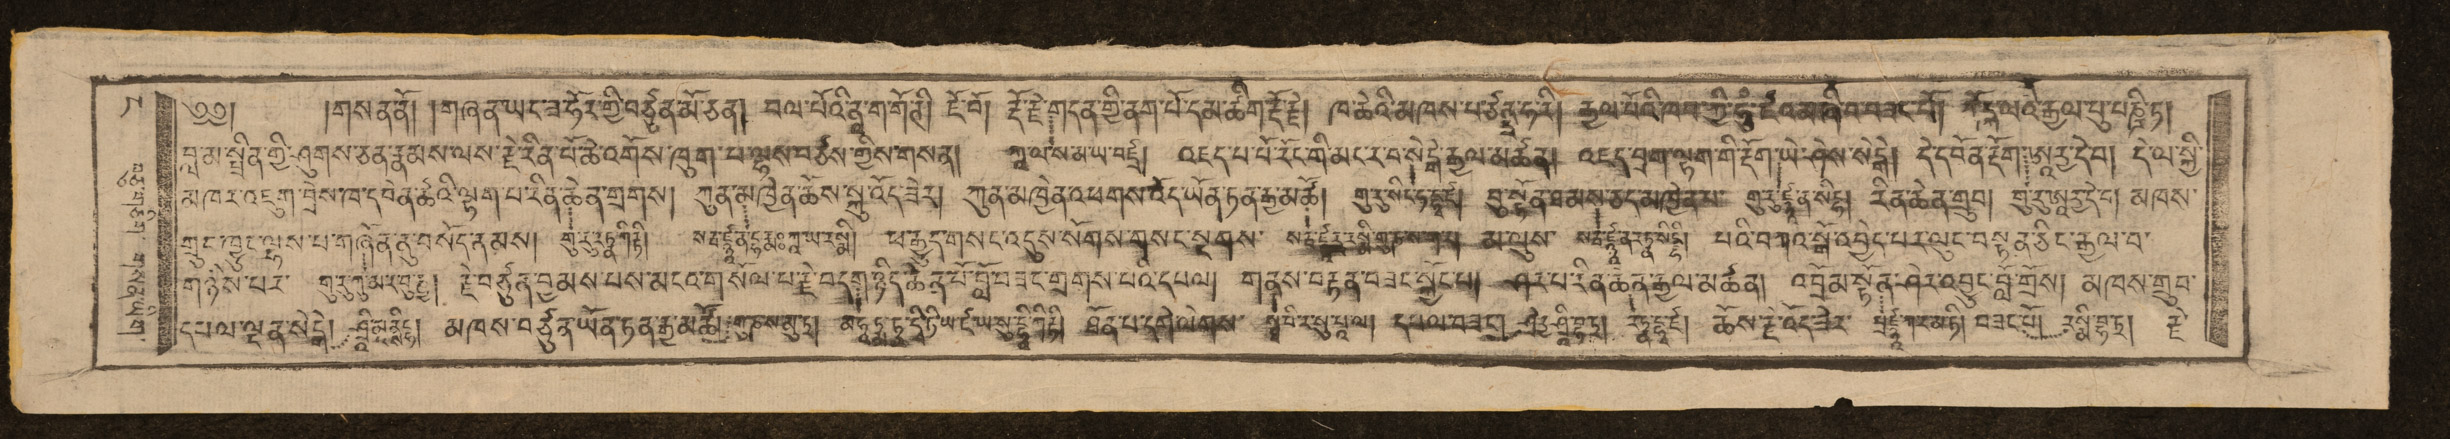༄༅། །གསན་ནོ། །གཞན་ཡང་ཟ་ཧོར་གྱི་བཙུན་མོ་ཅན། བལ་པོའི་ནཱ་ག་གོཊི། ཇོ་བོ། རྡོ་རྗེ་གདན་གྱི་ནག་པོ་དམ་ཚིག་རྡོ་རྗེ། ཁ་ཆེའི་མཁས་པ་ཙནྡྲ་ཧ་རི། རྒྱལ་པོའི་ཁབ་ཀྱི་ཧུཾ་ཛཱ་མ་ཞི་བ་བཟང་པོ། ཀོངྒ་ལའི་རྒྱལ་བུ་པཎྜི་ཏ།
བླ་མ་སྤྲིན་གྱི་ཤུགས་ཅན་རྣམས་ལས་རྗེ་རིན་པོ་ཆེ་འགོས་ཁུག་པ་ལྷས་བཙས་གྱིས་གསན། ཀཱ་ལས་པ་ཡ་བཛྲ། འཇད་པ་པོ་རོང་གི་མང་རབ་སེངྒེ་རྒྱལ་མཚན། འཇད་བྲག་ལྟག་གི་རྡོག་ཡེ་ཤེས་སེངྒེ། དེ་དཔོན་རྡོག་ཨཱརྱ་དེ་བ། དེ་ལ་སྐྱི་
མཁར་འཇུག་བྲེས་ཁ་དབེན་ཚའི་ལྷག་པ་རིན་ཆེན་གྲགས། ཀུན་མཁྱེན་ཆོས་སྐུ་འོད་ཟེར། ཀུན་མཁྱེན་འཕགས་འོད་ཡོན་ཏན་རྒྱ་མཚོ། གུ་རུ་སིང་ཏ་དྷྭཛ། བུ་སྟོན་ཐམས་ཅད་མཁྱེན་པ་གུ་རུ་ཛྙཱ་ན་སིངྷ། རིན་ཆེན་གྲུབ། གུ་རུ་ཨཱརྱ་དེ་བ། མཁས་
གྲུང་ཁྱུང་ལྷས་པ་གཞོན་ནུ་བསོད་ནམས། གུ་རུ་རཏྣ་ཀིརྟི། སརྦ་ཛྙའ་ན་དྷརྨཿ ཀླ་ཡང་སྨི། ཕ་རྒྱུད་གསང་འདུས་སོགས་གསང་སྔགས་སདྙཱ་ར་སྨི་གུ་ཎས་གར། མ་ལུས་སརྦ་ཛྙཱ་ན་རཏྣ་སིངྒྷི། པའི་བཀའ་སྒོ་འབྱེད་པར་ལུང་བསྟན་ཅིང་རྒྱལ་བ་
གཉིས་པར་གུ་རུ་ཀུ་མར་བུ་ཎྱ། རྗེ་བཙུན་བྱམས་པས་མངའ་གསོལ་པ་རྗེ་བདག་ཉིད་ཆེན་པོ་བློ་བཟང་གྲགས་པའི་དཔལ། གནས་བརྟན་བཟང་སྐྱོང་པ། ཤར་པ་རིན་ཆེན་རྒྱལ་མཚན། འབྲོམ་སྟོན་ཤེར་འབྱུང་བློ་གྲོས། མཁས་གྲུབ་
དཔལ་ལྡན་སེངྒེ། ཤཱི་མཱིནྶྡྷ། མཁས་བཙུན་ཡོན་ཏན་རྒྱ་མཚོ། །གྞས་མུ་ཏྲ། མཏཱ་ཏྨ་ཏཱ་དྭི་ཏི་ཡ་ཛ་ཡ་སུ་དྷཱི་ཀིརྟི། ཐོན་པ་དགེ་ལེགས་སྦྲ་བིར་སུ་པཱ་ལ། དཔལ་བཟང་། ཤྲེརྱ་ཤྲཱི་བྷ་ཏྲ། རཏྣ་ངྷྭ་ཛ། ཆོས་རྗེ་འོད་ཟེར་སྲཛྙཱ་ཀརྨ་ཏི། བཟང་པོ་ར་སྨི་བྷ་ཏྲ། རྗེ་